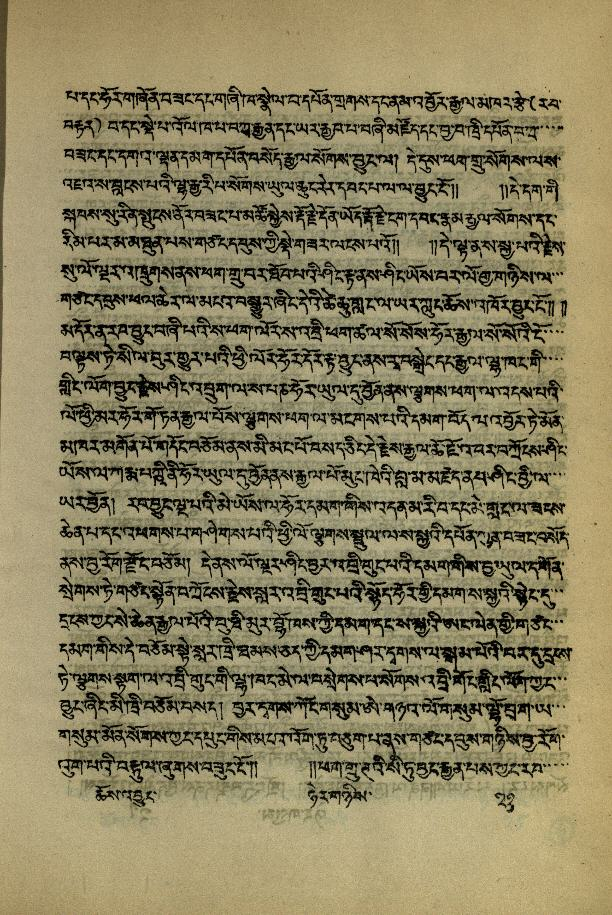པ་དང་ཧོར་གཞོན་བཟང་དང་གཞི་ཁ་སྣེལ་བ་དཔོན་གྲགས་དང་ནམ་འབྱོར་རྒྱལ་མཁར་རྩེ་རབ་
བརྟན་བ་དང་སྡེ་པ་འོལ་ཁ་པ་བཀྲ་རྒྱན་དང་ཡར་རྒྱབ་པ་བཞི་མཛོད་དང་བྱ་བ་ཁྲི་དཔོན་བཀྲ་
བཟང་དང་དགའ་ལྡན་དམག་དཔོན་བསོད་རྒྱལ་སོགས་བྱུང་ལ། དེ་དུས་ཕག་གྲུ་སོགས་ལས་
འཇའ་ས་བླངས་པའི་ལྷ་རྒྱ་རི་པ་སོགས་ཡུལ་ཆུང་རེར་དབང་པ་ལ་ལ་བྱུང་ངོ།། །།དེ་དག་གི་
སྐབས་སུ་རིན་སྤུངས་ནོར་བཟང་པ་མཚོ་སྐྱེས་རྡོ་རྗེ་དོན་ཡོད་རྡོ་རྗེ་ངག་དབང་རྣམ་རྒྱལ་སོགས་དང་
རིམ་པར་མ་མཐུན་པས་གཙང་དབུས་ཀྱི་སྡེ་གཟར་ལངས་པའོ།། །།དེ་ལྟ་ན་ས་སྐྱ་པའི་རྗེས་
སུ་ལོ་ལྔར་འཁྲུགས་ནས་ཕག་གྲུ་བར་ཐོབ་པའི་ཤིང་རྟ་ནས་ཤིང་ཡོས་བར་ལོ་གྱ་གཉིས་ལ་
གཙང་དབུས་ཕལ་ཆེར་ལ་མངའ་བསྒྱུར་ཞིང་དེའི་ཚེ་ཆུ་གླང་ལ་ཡར་ཀླུང་ཆོས་འཁོར་བྱུང་ངོ།། །།
མདོར་ན་རབ་བྱུང་བཞི་པའི་ས་ཕག་ལོར་ས་འབྲི་ཕག་ཚལ་སོ་སོས་ཧོར་རྒྱལ་སོ་སོའི་ངོ་
བལྟས་ཏེ་སིལ་བུར་གྱུར་པའི་ཕྱི་ལོར་ཧོར་དོར་རྟ་བྱུང་ནས་རྭ་བསྒྲེང་དང་རྒྱལ་ལྷ་ཁང་གི་
གླིང་ལོག་བྱུང་རྗེས་ཤིང་འབྲུག་ལ་ས་པཎ་ཧོར་ཡུལ་དུ་བྱོན་ནས་ལྕགས་ཕག་ལ་འདས་པའི་
ལོ་ཕྱི་མར་ཧོར་གོ་ཏན་རྒྱལ་པོས་ལྕགས་ཕག་ལ་མངགས་པའི་དམག་བོད་ལ་འབྱོར་ཏེ་མོན་
མཁར་མགོན་པོ་གདོང་བཅོམ་ནས་མི་མང་པོ་བསད་ཅིང་དེ་རྗེས་རྒྱལ་ཆོ་ཇོ་འབར་བཀྲོངས་ཤིང་
ཡོས་ལ་ཀརྨ་པཀྵི་ནི་ཧོར་ཡུལ་དུ་བྱོན་ནས་རྒྱལ་པོ་མུང་ཁེའི་བླ་མ་མཛད་ནཔ་ཤིང་བྱི་ལ་
ཡར་བྱོན། རབ་བྱུང་ལྔ་པའི་མེ་ཡོས་ལ་ཧོར་དམག་གིས་འདན་མ་རི་བ་དང་མེ་གླང་ལ་ཟངས་
ཆེན་པ་དང་འཕགས་པ་གཤེགས་པའི་ཕྱི་ལོ་ལྕགས་སྦྲུལ་ལ་ས་སྐྱའི་དཔོན་ཀུན་བཟང་བསོད་
ནས་བྱ་རོག་རྫོང་བཅོམ། དེ་ནས་ལོ་ལྔར་ཤིང་བྱར་འབྲི་གུང་པའི་དམག་གིས་བྱ་ཡུལ་དགོན་
སྲེགས་ཏེ་གཙང་སྟོན་བཀྲོངས་རྗེས་སླར་འབྲི་གུང་པའི་སྟོད་ཧོར་གྱི་དམག་ས་སྐྱའི་སྟེང་དུ་
དྲངས་ཀྱང་སེ་ཆེན་རྒྱལ་པོའི་བུ་ཐི་མུར་བྷོ་ཁས་ཀྱི་དམག་དང་ས་སྐྱའི་ཨང་ལེན་གྱི་གཙང་
དམག་གིས་དེ་བཅོམ་སྟེ་སླར་ཁྲི་ཐམས་ཅད་ཀྱི་དམག་ཤར་དྭགས་ལ་སྒམ་པོའི་བར་དུ་དྲངས་
ཏེ་ལྕགས་སྟག་ལ་འབྲི་གུང་གི་ལྷ་ཁང་མེ་ལ་བསྲེགས་པ་སོགས་འབྲི་གོང་གླིང་ལོག་ཀྱང་
བྱུང་ཞིང་མི་ཁྲི་བཅོམ་བསད། བྱར་དྭགས་ཀོང་གསུམ་ཨེ་གཉའ་ལོ་གསུམ་ལྷོ་བྲག་ཡ་
གསུམ་མོན་སོགས་ཀྱང་དཔུང་གིས་མངའ་འོག་ཏུ་བཅུག་པ་ནས་གཙང་དབུས་གཉིས་བྱ་རོག་
འུག་པའི་བརྟུལ་ཞུགས་བཟུང་ངོ།། །།ཕག་གྲུ་ཊའི་སི་ཏུ་བྱང་རྒྱན་པས་ཀྱང་རབ་